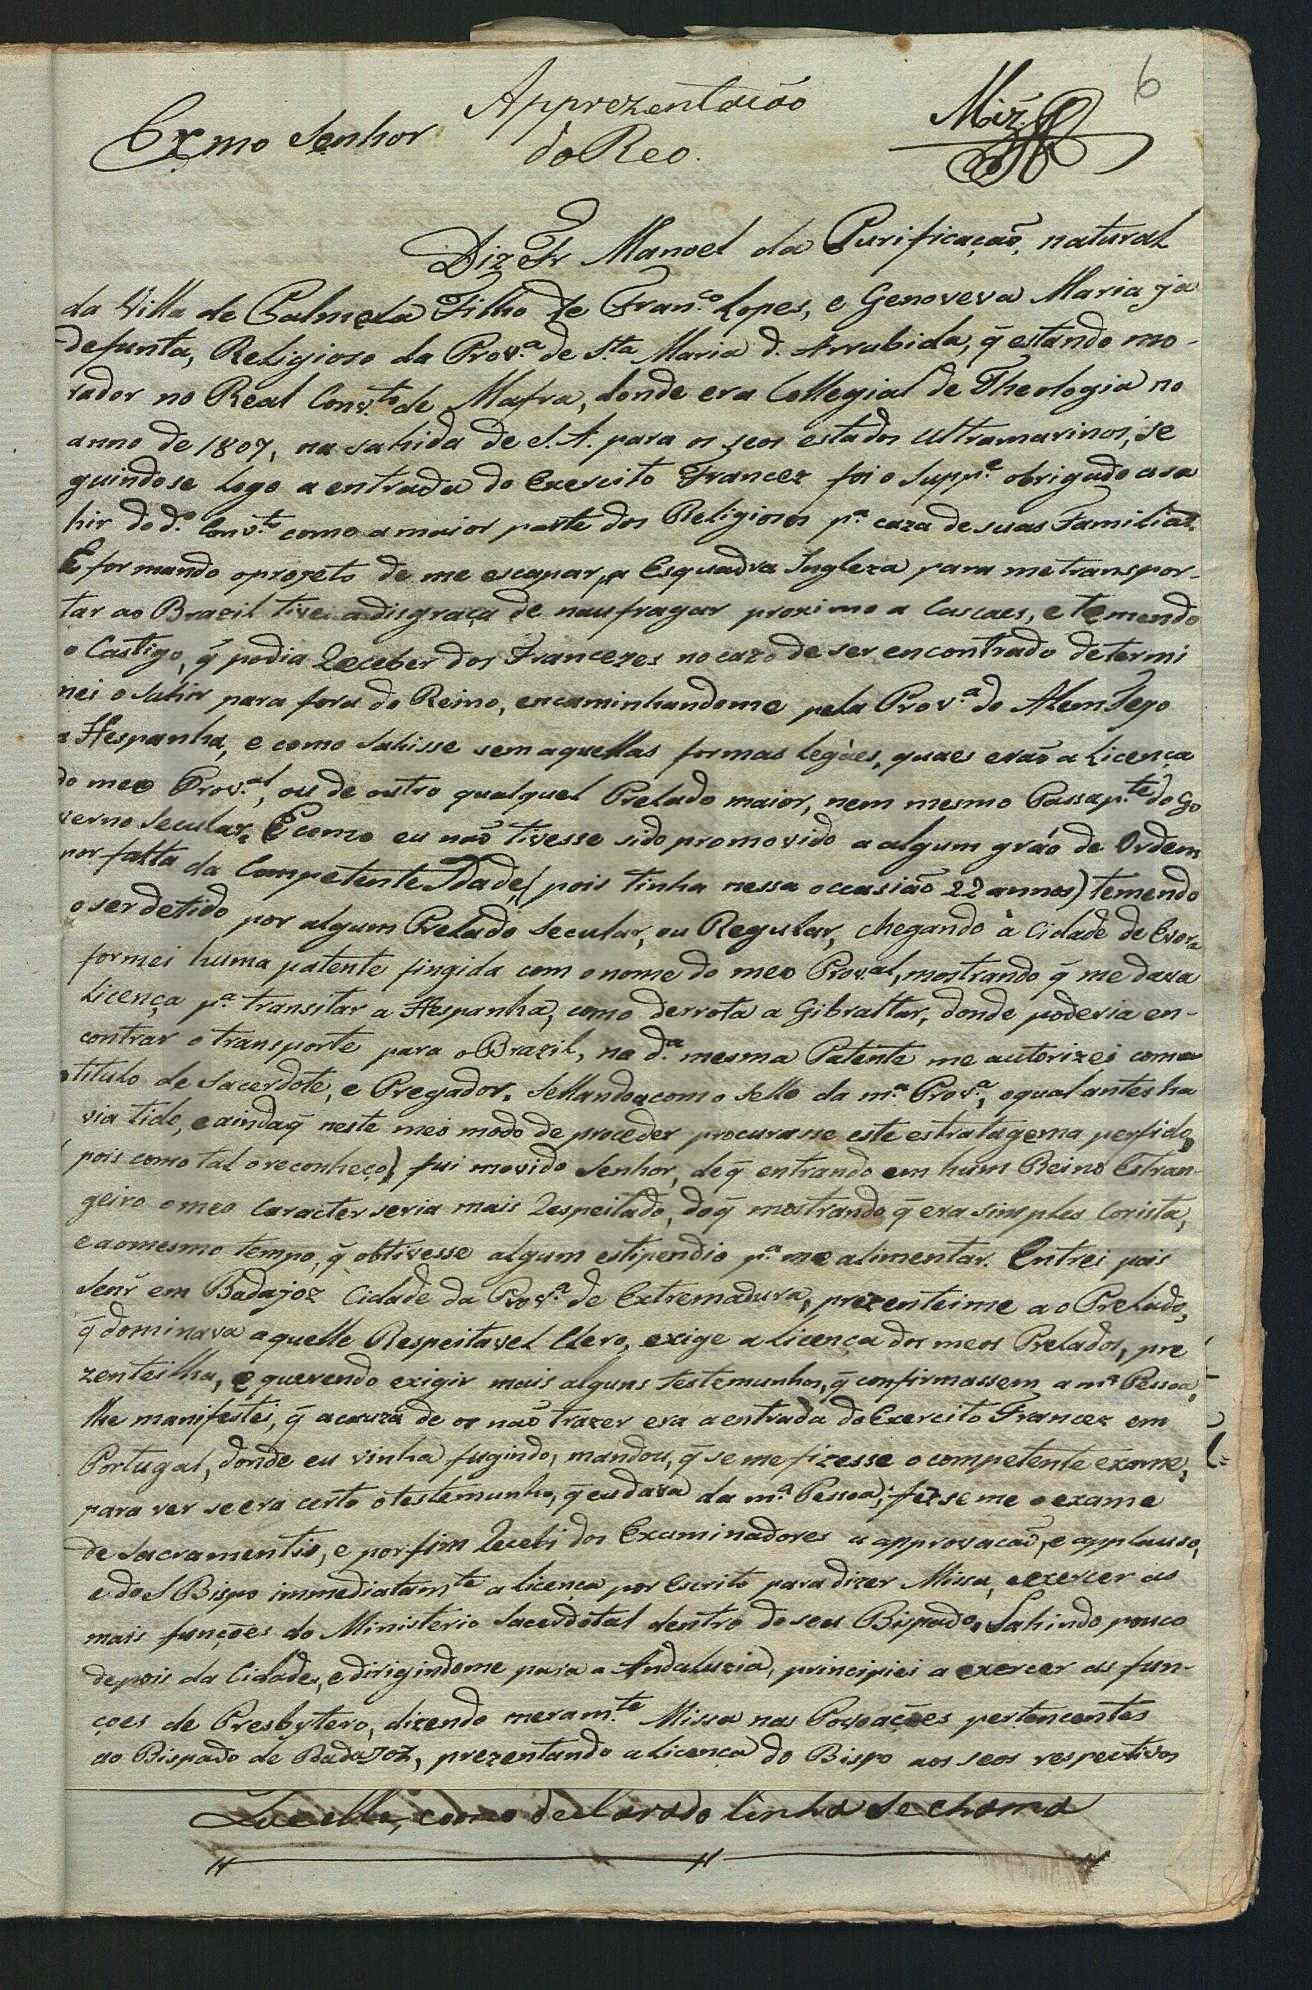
Exmo Senhor
Apprezentaçaõ
Miz̄
do Reo.
Diz Fr Manoel da Purificaçaõ, natural
da Villa de Palmela Filho de Fran.co Lopes, e Genoveva Maria ja
defunta, Religioso da Prov.a de S.ta Maria d. Arrabida, q̄ estando mo
rador no Real Conv.to de Mafra, donde era Collegial de Theologia no
anno de 1807, na sahida de S.A. para os seos estados ultramarinos, se
guindose Logo a entrada do Exercito Francez foi o Supp.e obrigado a sa
hir do d.o conv.to como a maior parte dos Religiosos p.a caza de suas Familias,
E formando o projeto de me escapar p.a Esquadra Ingleza para me transpor
tar ao Brazil tive a disgraça de naufragar proximo a Cascaes, e temendo
o Castigo, q̄ podia Receber dos Francezes no cazo de ser encontrado determi
nei o sahir para fora do Reino, encaminhandome pela Prov.a do AlemTejo
a Hespanha, e como sahisse sem aquellas formas legàes, quaes eraõ a Licença
do meo Prov.al, ou de outro qualquel Prelado maior, nem mesmo Passap.te do Go
verno secular. E como eu naõ tivesse sido promovido a algum gráo da Ordem
por falta da Competente Idade, (pois tinha nessa occasiaõ 22 annos) temendo
o ser detido por algum Prelado secular, ou Regular, chegando à cidade de Evora
formei huma patente fingida com o nome do meo Prov.al, mostrando q̄ me dava
Licença p.a transitar a Hespanha, como derrota a Gibraltar, donde poderia en
contrar o transporte para o Brazil, na d.a mesma Patente me autorizei com o
o titulo de sacerdote, e Pregador, sellandoa com o sello da m.a Prov.a, o qual antes ha
via tido, e ainda q̄ neste meo modo de proceder procurasse este estratagema perfido,
pois como tal o reconheço) fui movido Senhor, de q̄ entrando em hum Reino Estran
geiro o meo caracter seria mais Respeitado, do q̄ mostrando q̄ era simples corista,
e ao mesmo tempo, q̄ estivesse algum estipendio p.a me alimentar. Entrei pois
Senr̄ em Badajoz Cidade da Prov.a de Extremadura, prezenteime ao Prelado,
q̄ dominava aquelle Respeitavel Clero, exige a Licença dos meos Prelados, pre
zenteilha, e querendo exigir mais alguns testemunhos, q̄ confirmassem a m.a Pessoa,
lhe manifestei, q̄ a cauza de os naõ trazer era a entrada do Exercito Francez em
Portugal, donde eu vinha fugindo, mandou, q̄ se me fizesse o competente exame,
para ver se era certo o testemunho, q̄ eu dava da m.a Pessoa; fezse me o exame
de sacramentis, e por fim Recebi dos Examinadores a approvaçaõ, e applauso,
e do S. Bispo immediatam.te a licença por escrito para dizer Missa, e exercer as
mais funções do Ministerio Sacerdotal dentro de seus Bispados Sahindo pouco
depois da Cidade, e dirigindome para a Anduluzia, principiei a exercer as fun
çoes de Presbytero, dizendo meram.te Missa nas Povoações pertencentes
ao Bispado de Badajoz, prezentando a Licença do Bispo aos seos respectivos
